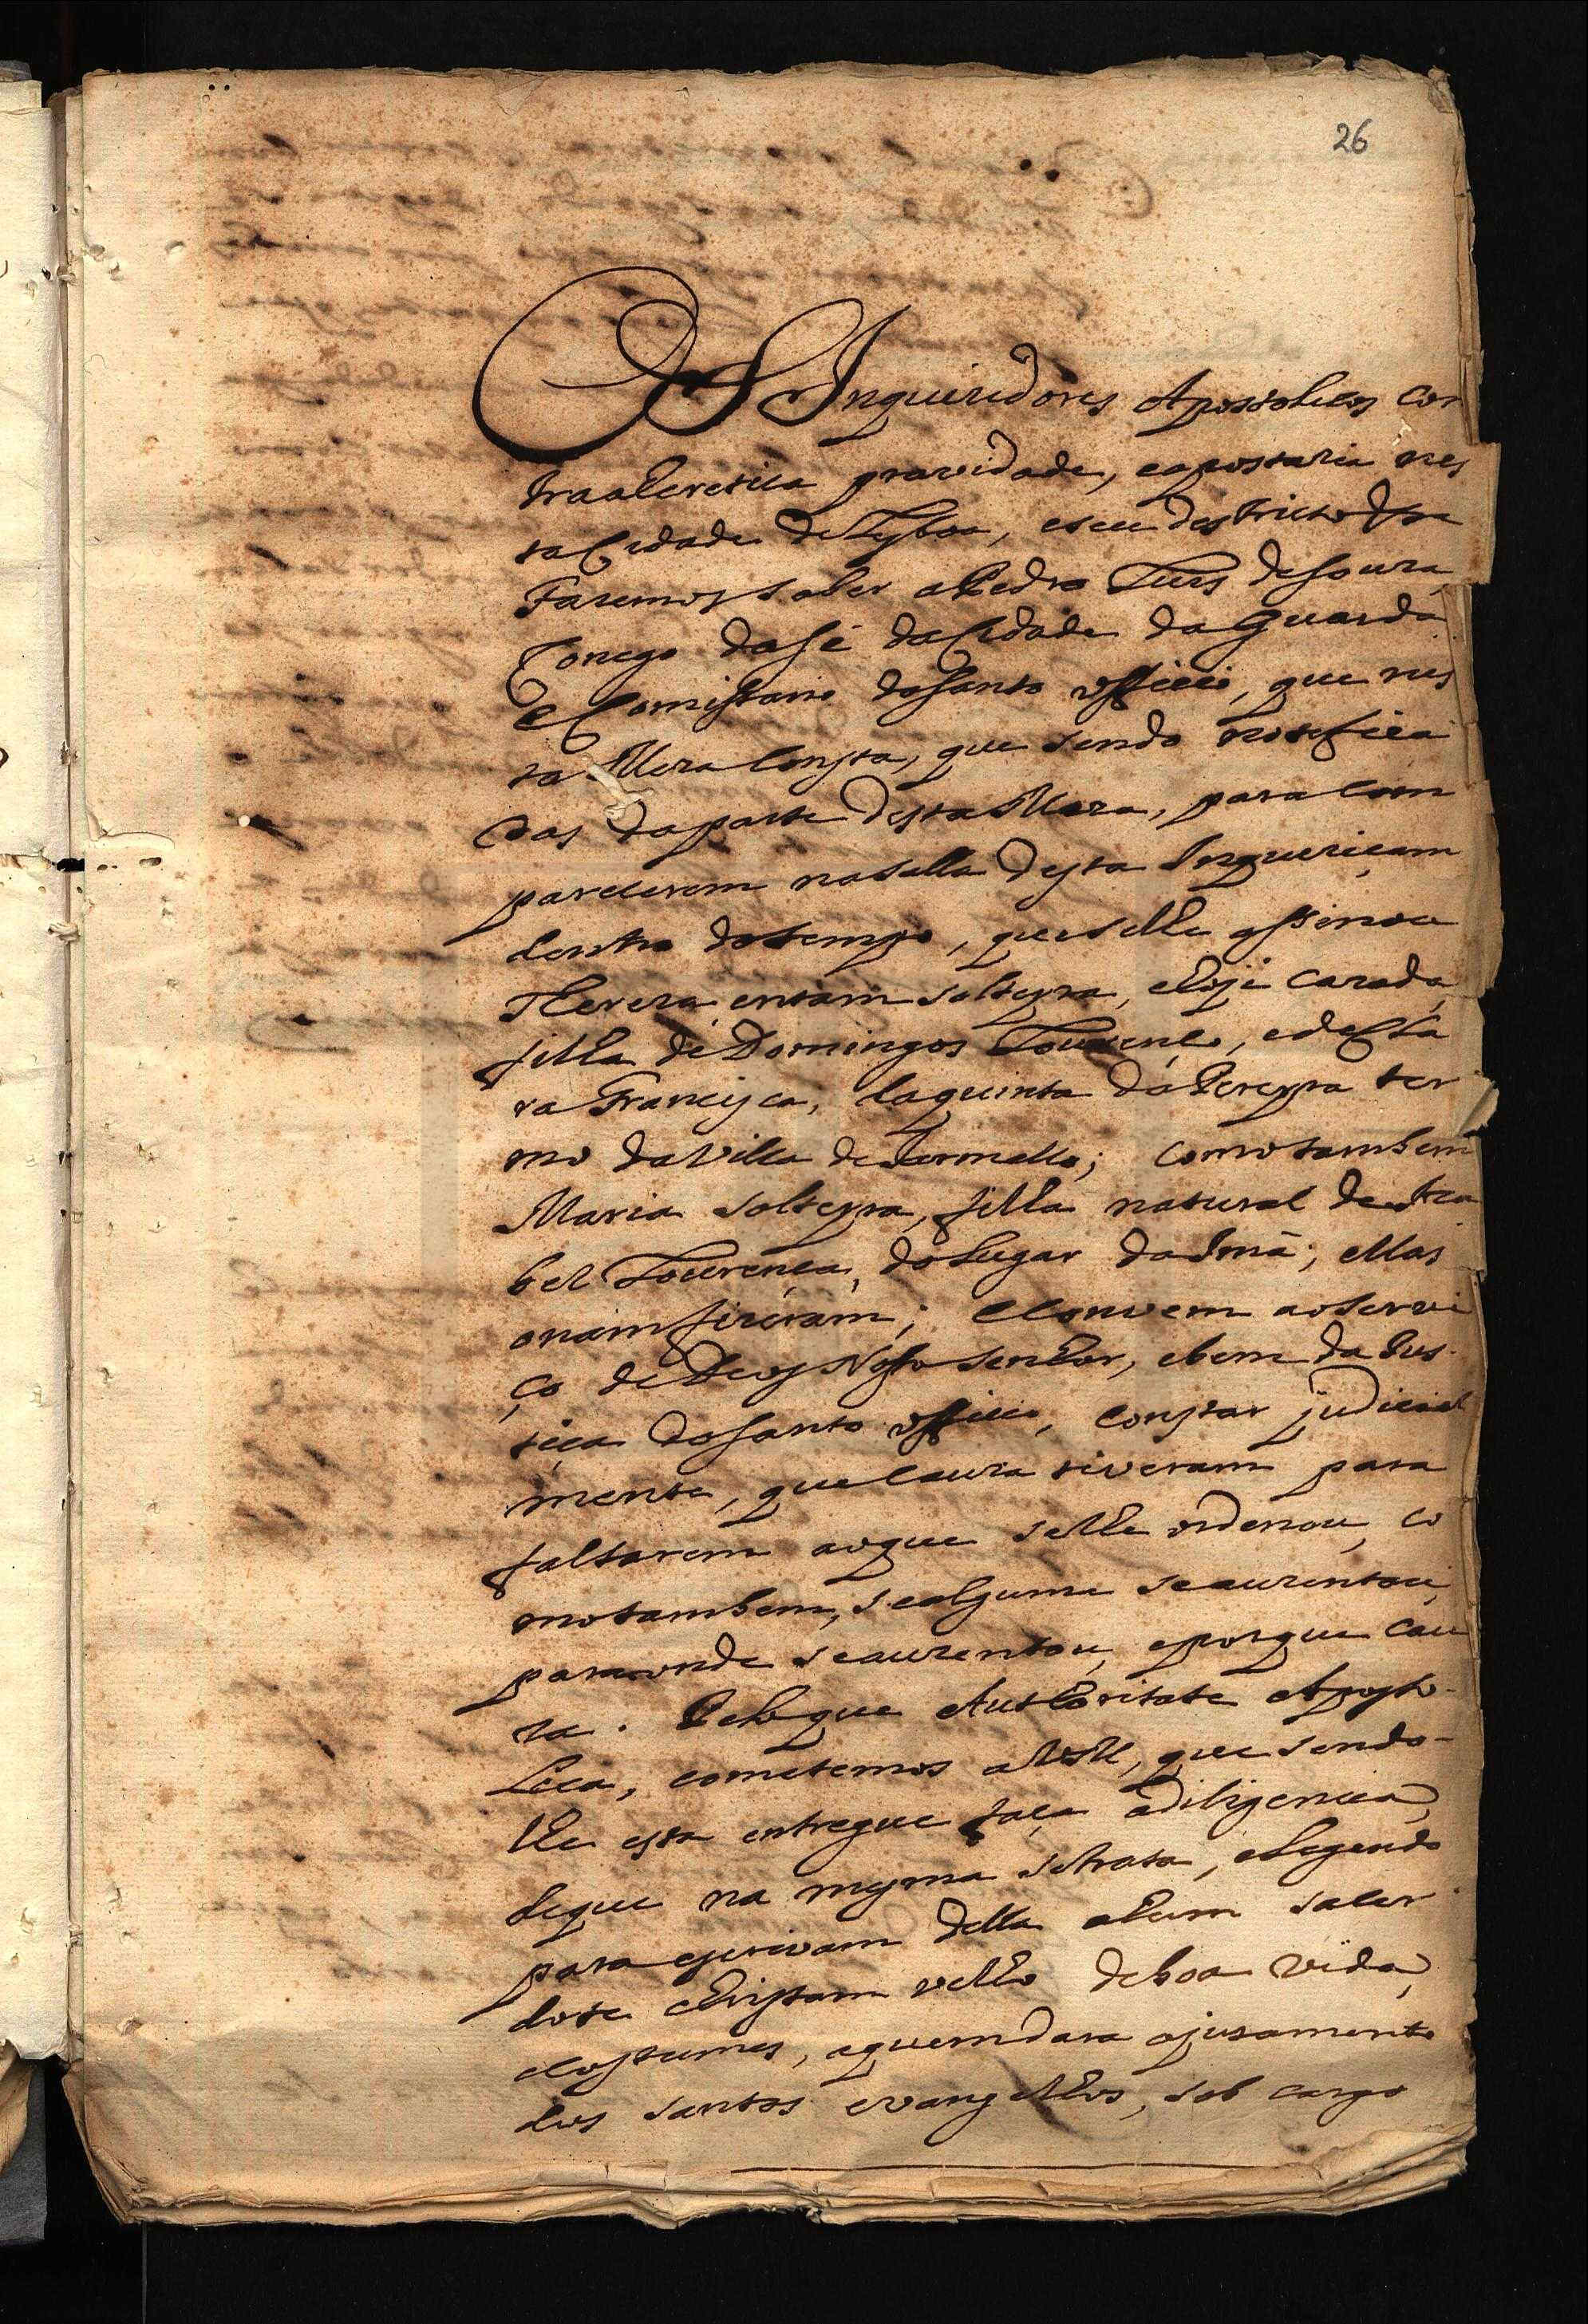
OS Jnquizidores Apostolicos con
tra a heretica pravidade, e apostazia nes
ta Cidade de Lisboa, e seu destricto &a
Fazemos saber a Pedro Luis de souza,
Conego da sé da Cidade da Guarda
e Comissario da santo officio, que nes
ta Meza Consta, que sendo notefica
das da parte desta Meza, para com
parecerem na salla desta Inqueziçam
dentro do tempo, que se lhe assinou
Thereza, entam solteyra, e hoje cazada,
filha de Domingos Lourenço, e de Cla
ra Francisca, da quinta da Pereya ter
mo da villa de Iermello; como tambem
Maria solteyra, filha natural de Iza
bel Lourença, do Lugar da Imã; ellas
o nam fizeram; e convem ao servi
ço de Deos Nosso senhor, e bem da Ius
tiça do santo officio, constar judicial
mente, que cauza tiveram para
faltarem ao que se lhe ordenou, co
mo tambem, se alguma se auzentou,
para onde se auzentou, e porque cau
za. Pelo que Authoritate Aposto
Lica, cometemos a V M, que sendo
lhe esta entregue faça a diligencia,
de que na mesma se trata, eLegendo
para escrivam della a hum sacer
dote christam velho de boa vida,
e costumes, a quem dara o juramento
dos santos evangelhos, sob cargo
